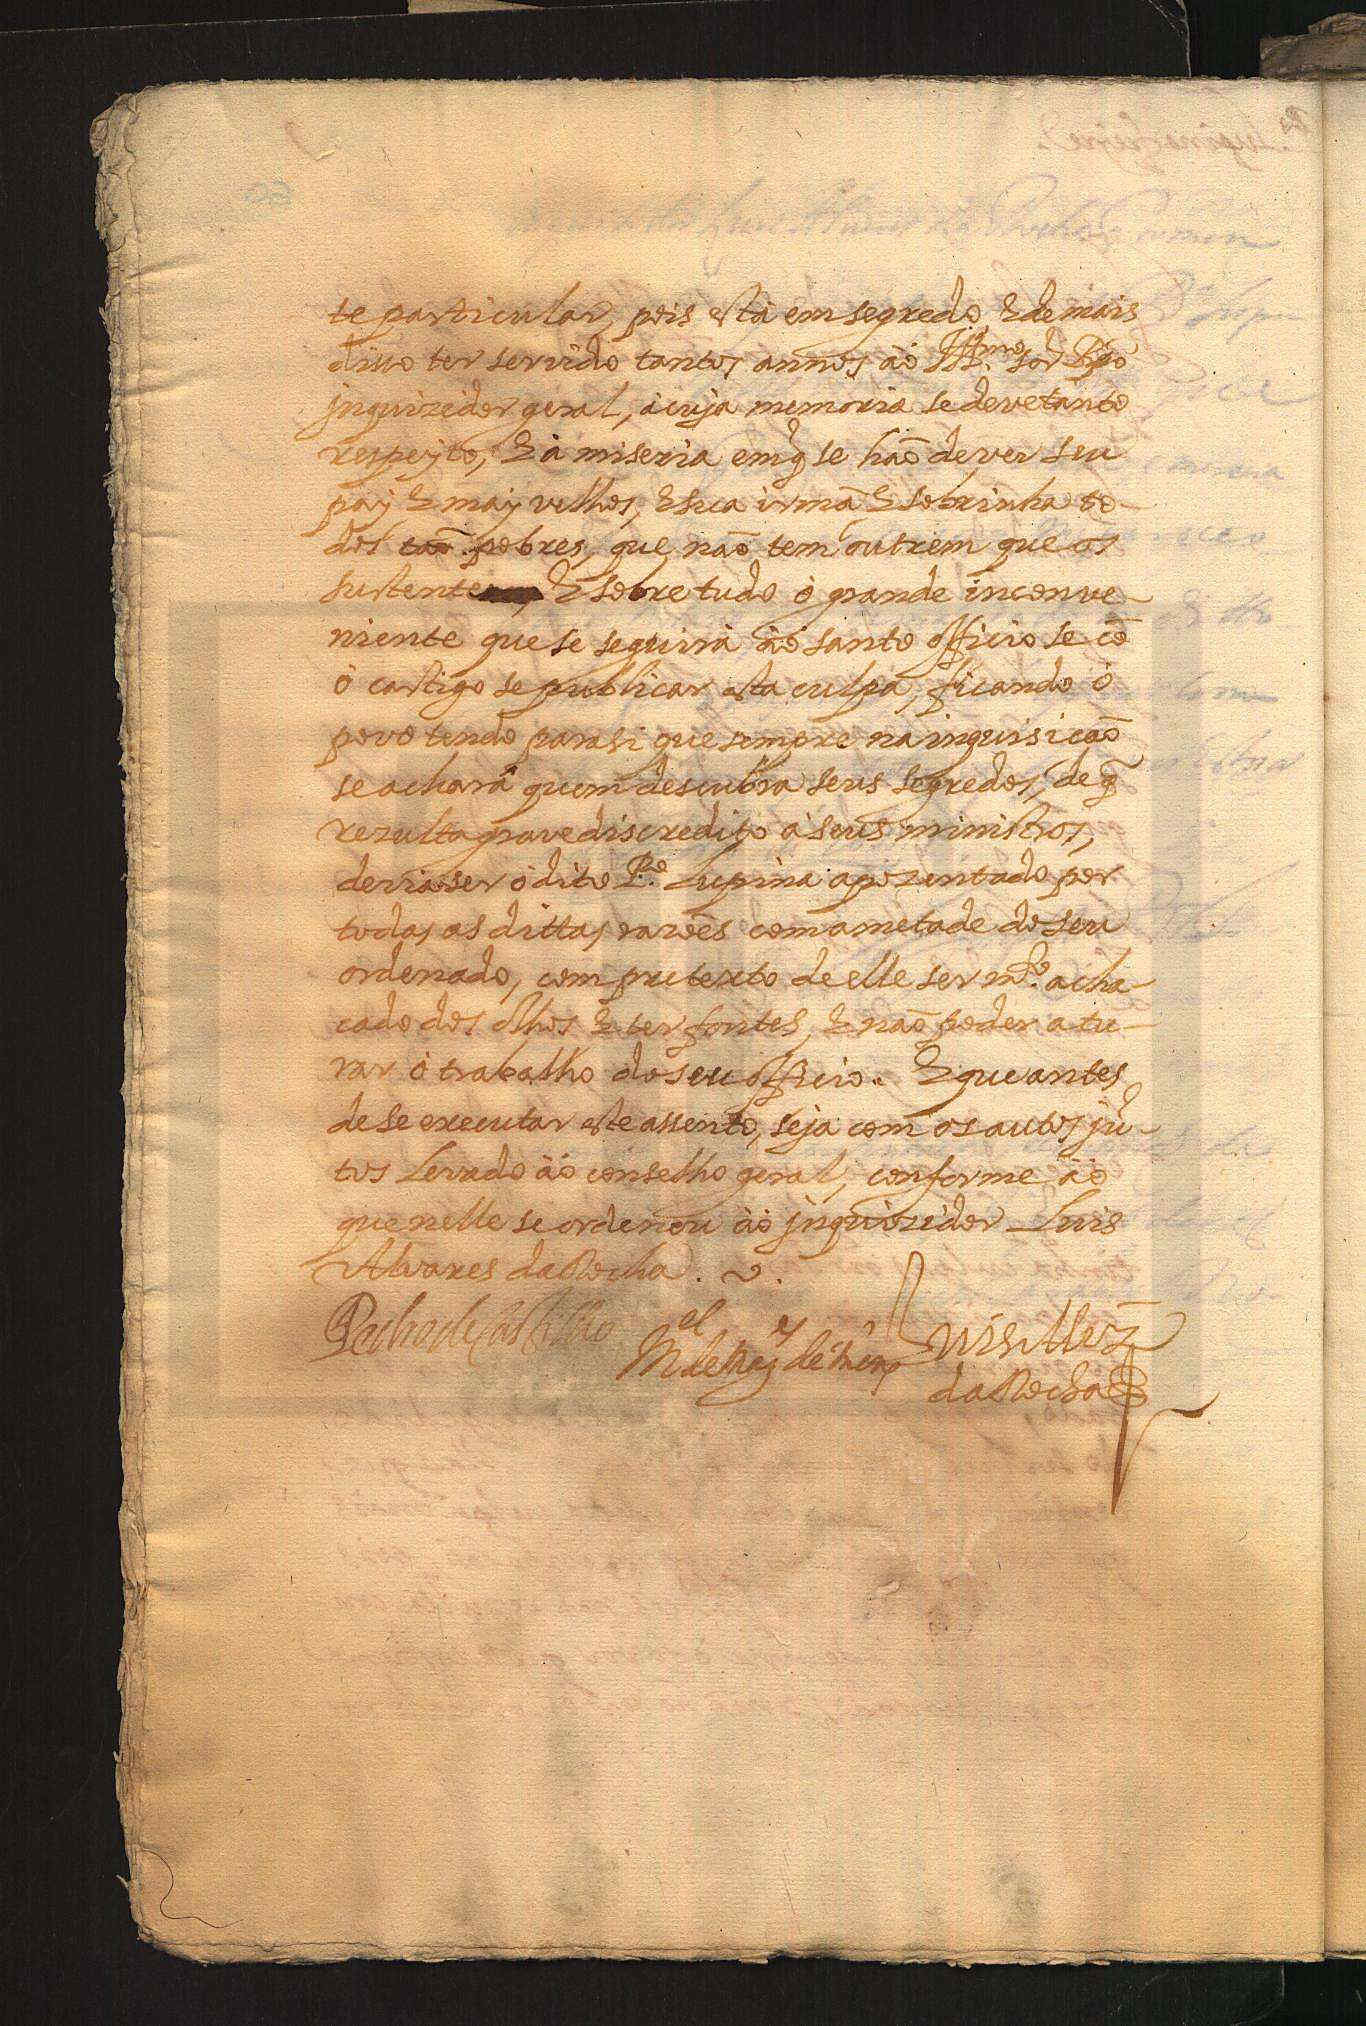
te particular, pois esta em segredo E de mais
disso ter servido tantos annos ao Ill.mo sor̄ Bp̄o
jnquizidor geral, a cuja memoria se deve tanto
respeyto, E a miseria em q̄ se haõ de ver seu
pay e may velhos, E sua irmā, E sobrinha to
dos taõ pobres, que naõ tem outrem que os
sustente _ E sobretudo o grande inconve
niente que se seguira no santo officio se cō
o castigo se publicar esta culpa, ficando o
povo tendo para si que sempre na inquisiçaõ
se achará quem descubra seus segredos, de q̄
rezulta para discredito a seus ministros,
devia ser o dito P.o Lupina apozentado por
todas as dittas razoẽs com a metade do seu
ordenado, com pretexto de elle ser mt.o acha
cado dos olhos E ter fontes, E naõ poder atu
rar o trabalho do seu officio. E que antes
de se executar este assento, seja com os autos jū
tos levado ao conselho geral, conforme ao
que nelle se ordenou ao jnquizidor Luis
Alvares da Rocha.
Pedro de Castilho
Luis Alvz̄
da Rocha
Mel de Mages de Mens
